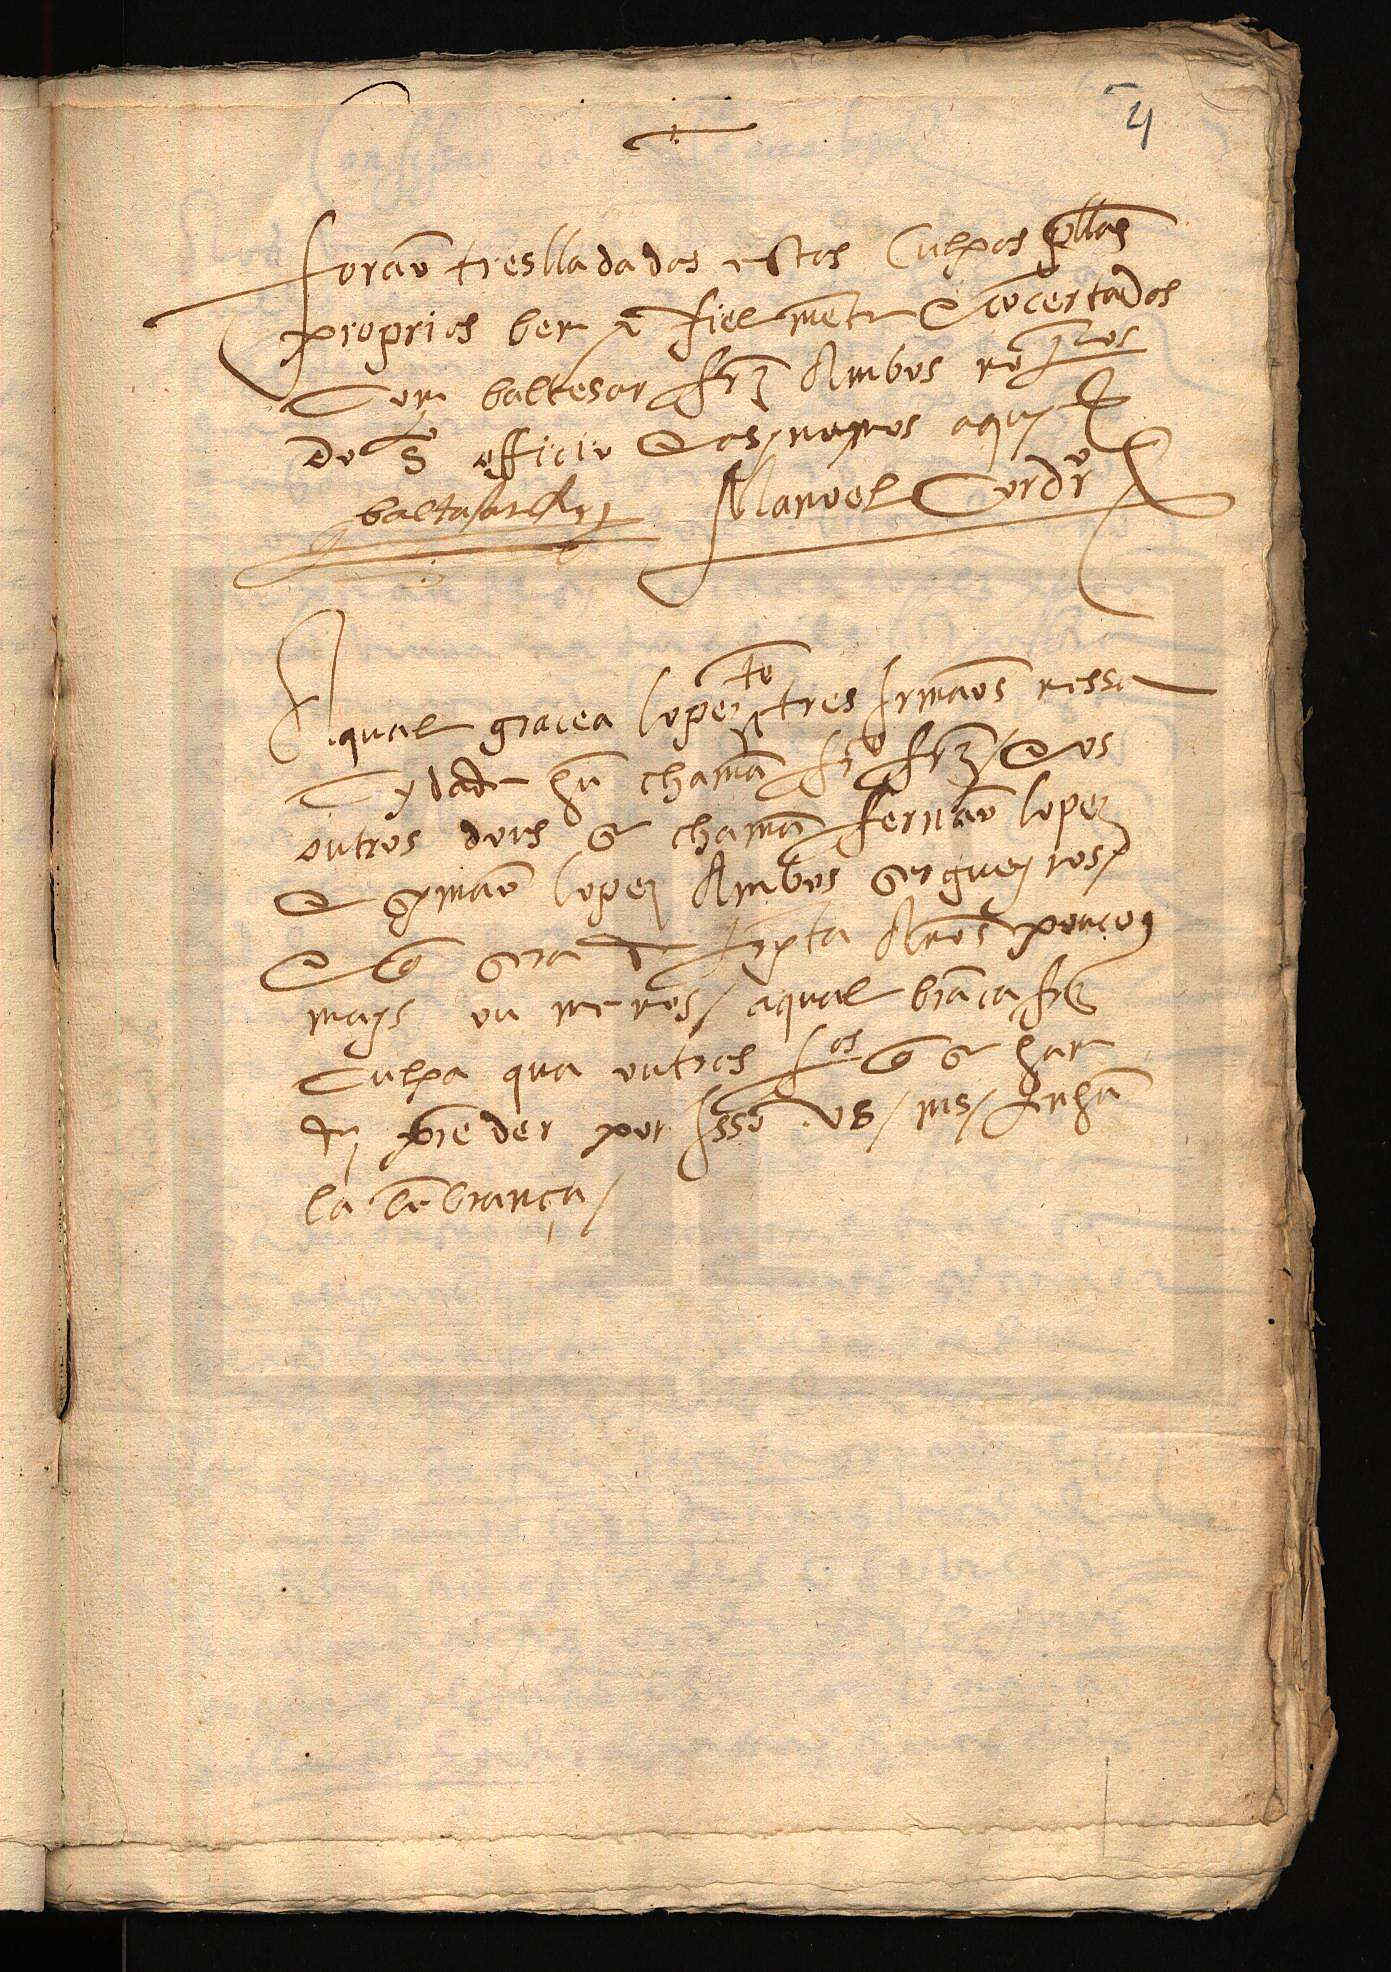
4
forão treslladadas estas culpas p̄llas
proprias bem e fielmēte e cōcertadas
Com baltesar fr̄z Ambos notros
do sto officio e asjnamos aquj
Manoel Cordro
baltasar frz
A qual gracea lopez
t̄e
tres Jrmãos nessa
Cydade hū chamā frco frz̄ e os
outros dous se chamā fernão lopez
e symão lopez Ambos serguejros /
e q̄ sera de trȳta Anōs pouco
majs ou menos / a qual brāca frz̄
culpa qua outras fas q̄ se ham
de prēder por Jsso vs / ms / tenhā
la lēbrança /
